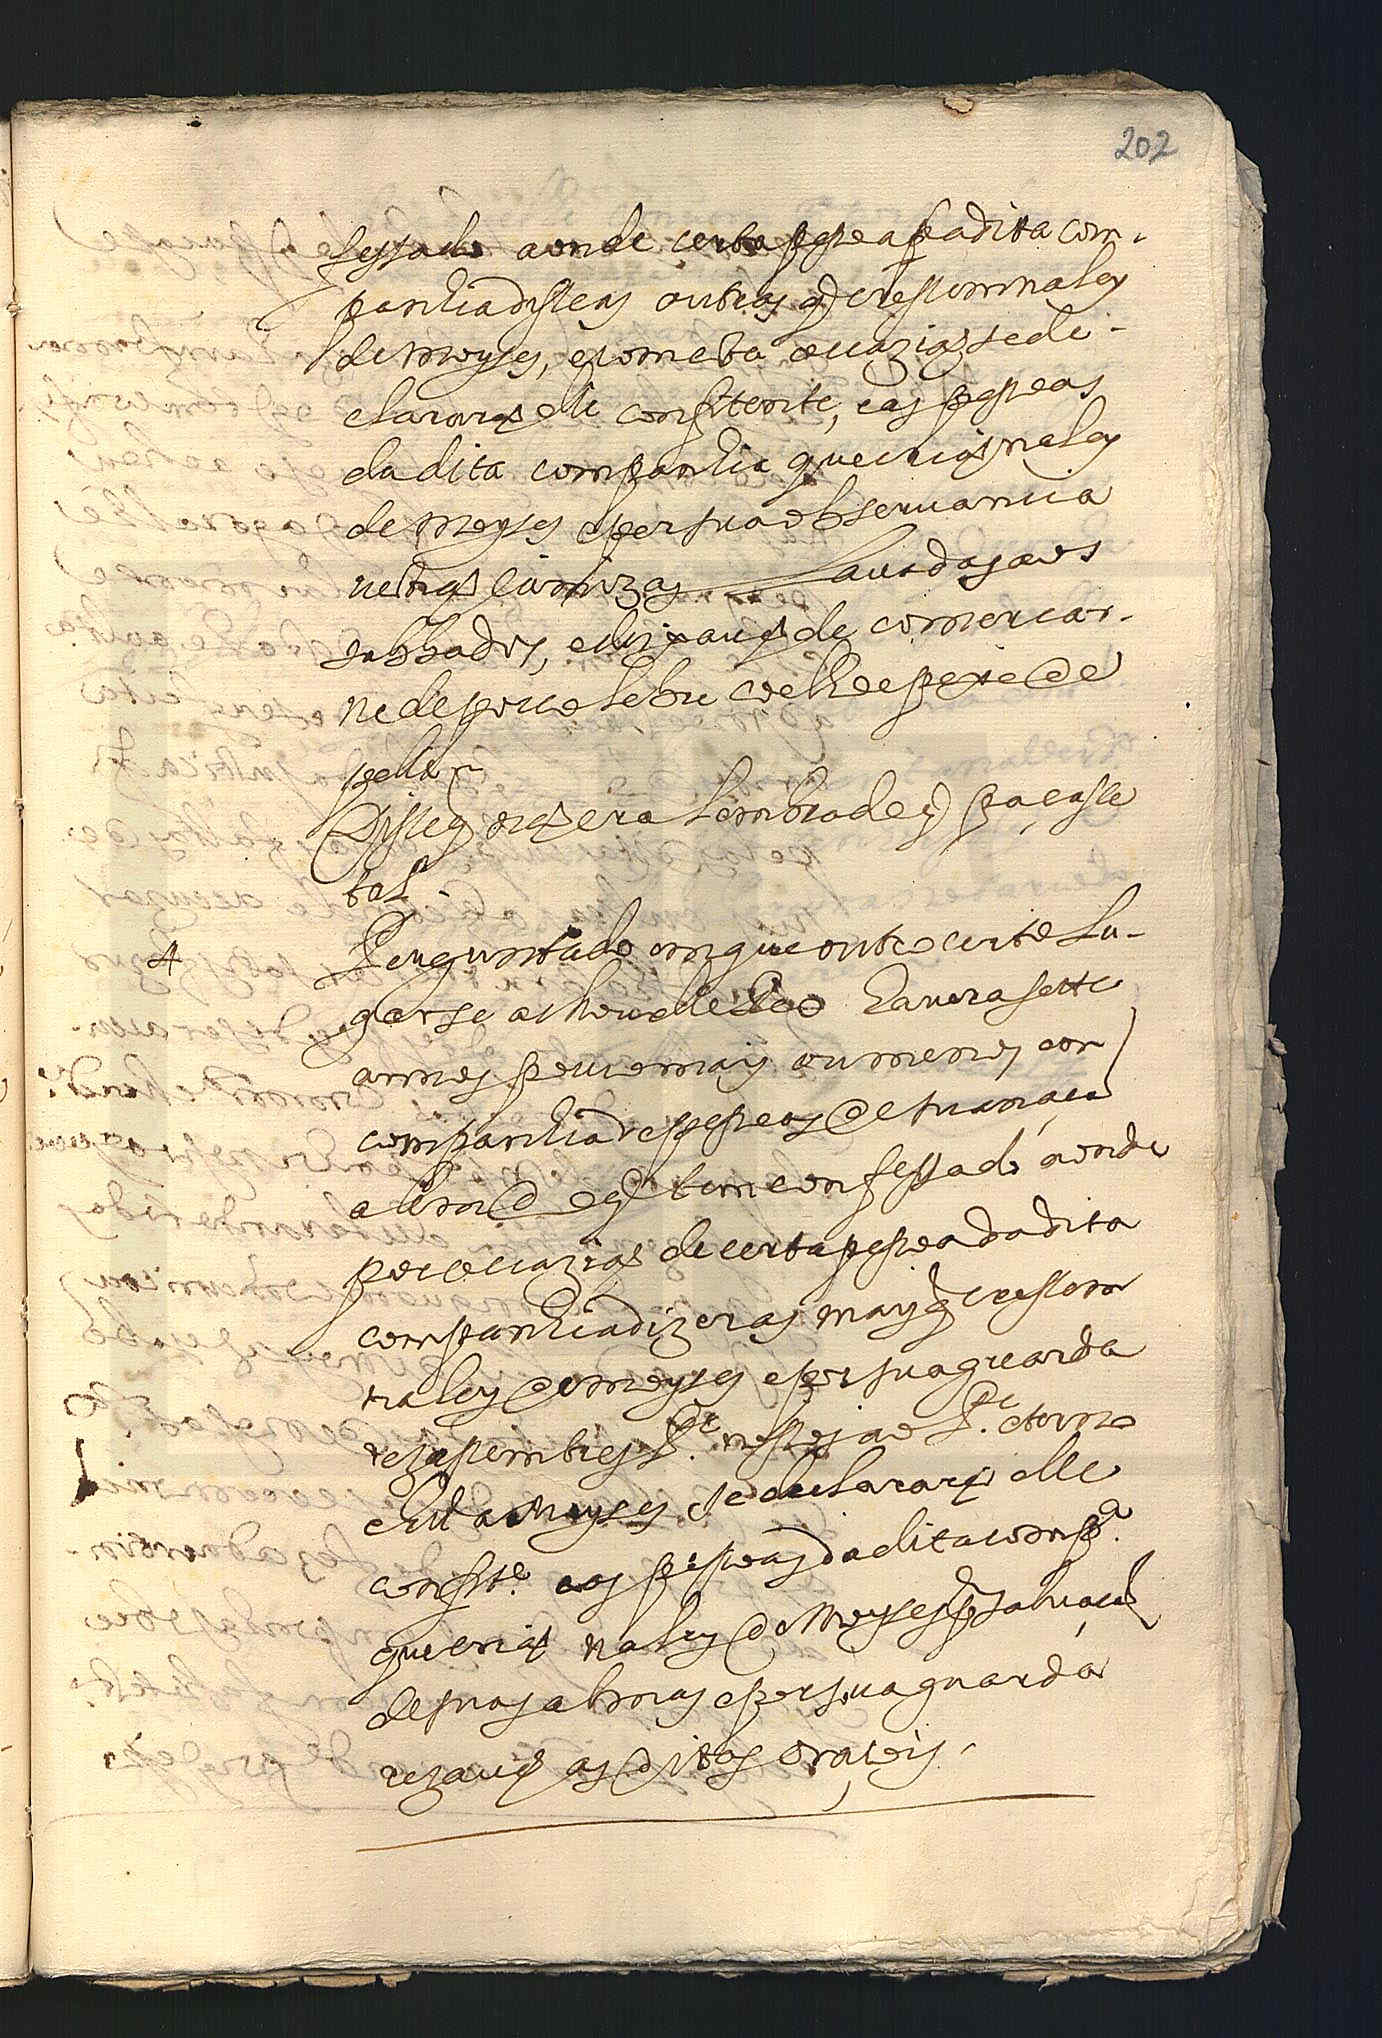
fessado aonde certa pessoas da dita com
panhia disse as outras q̄ cressem na Ley
de moyses, e com esta occaziaõ se de
clararaõ elle confitente, e as pessoas
da dita companhia que criaõ na Ley
de moyses e por sua obseruancia
uestiaõ camizas Lauadas aos
sabbados, e deixauaõ de comer car
ne de porco Lebre coelho pexe de
pelle
Disse q̄ naõ era Lembrado q̄ paçasse
tal.
Perguntado em que outro certo Lu
gar se achou elle Reo hauera sette
annos pouco mais ou menos com
companhia de pessoas de sua naçaõ
alem do q̄ tem confessado aonde
por occaziaõ de certa pessoa da dita
companhia dizer as mais q̄ cressem
na ley de moyses e por sua guarda
rezassem tes P.e nossos ao P.e eterno
e hū a Moyses se declararaõ elle
confit.e e as pessoas da dita comp.a
que criaõ na Ley de Moyses pa saluaçaõ
de suas almas e por sua guarda
rezauaõ as ditas oraçois.
